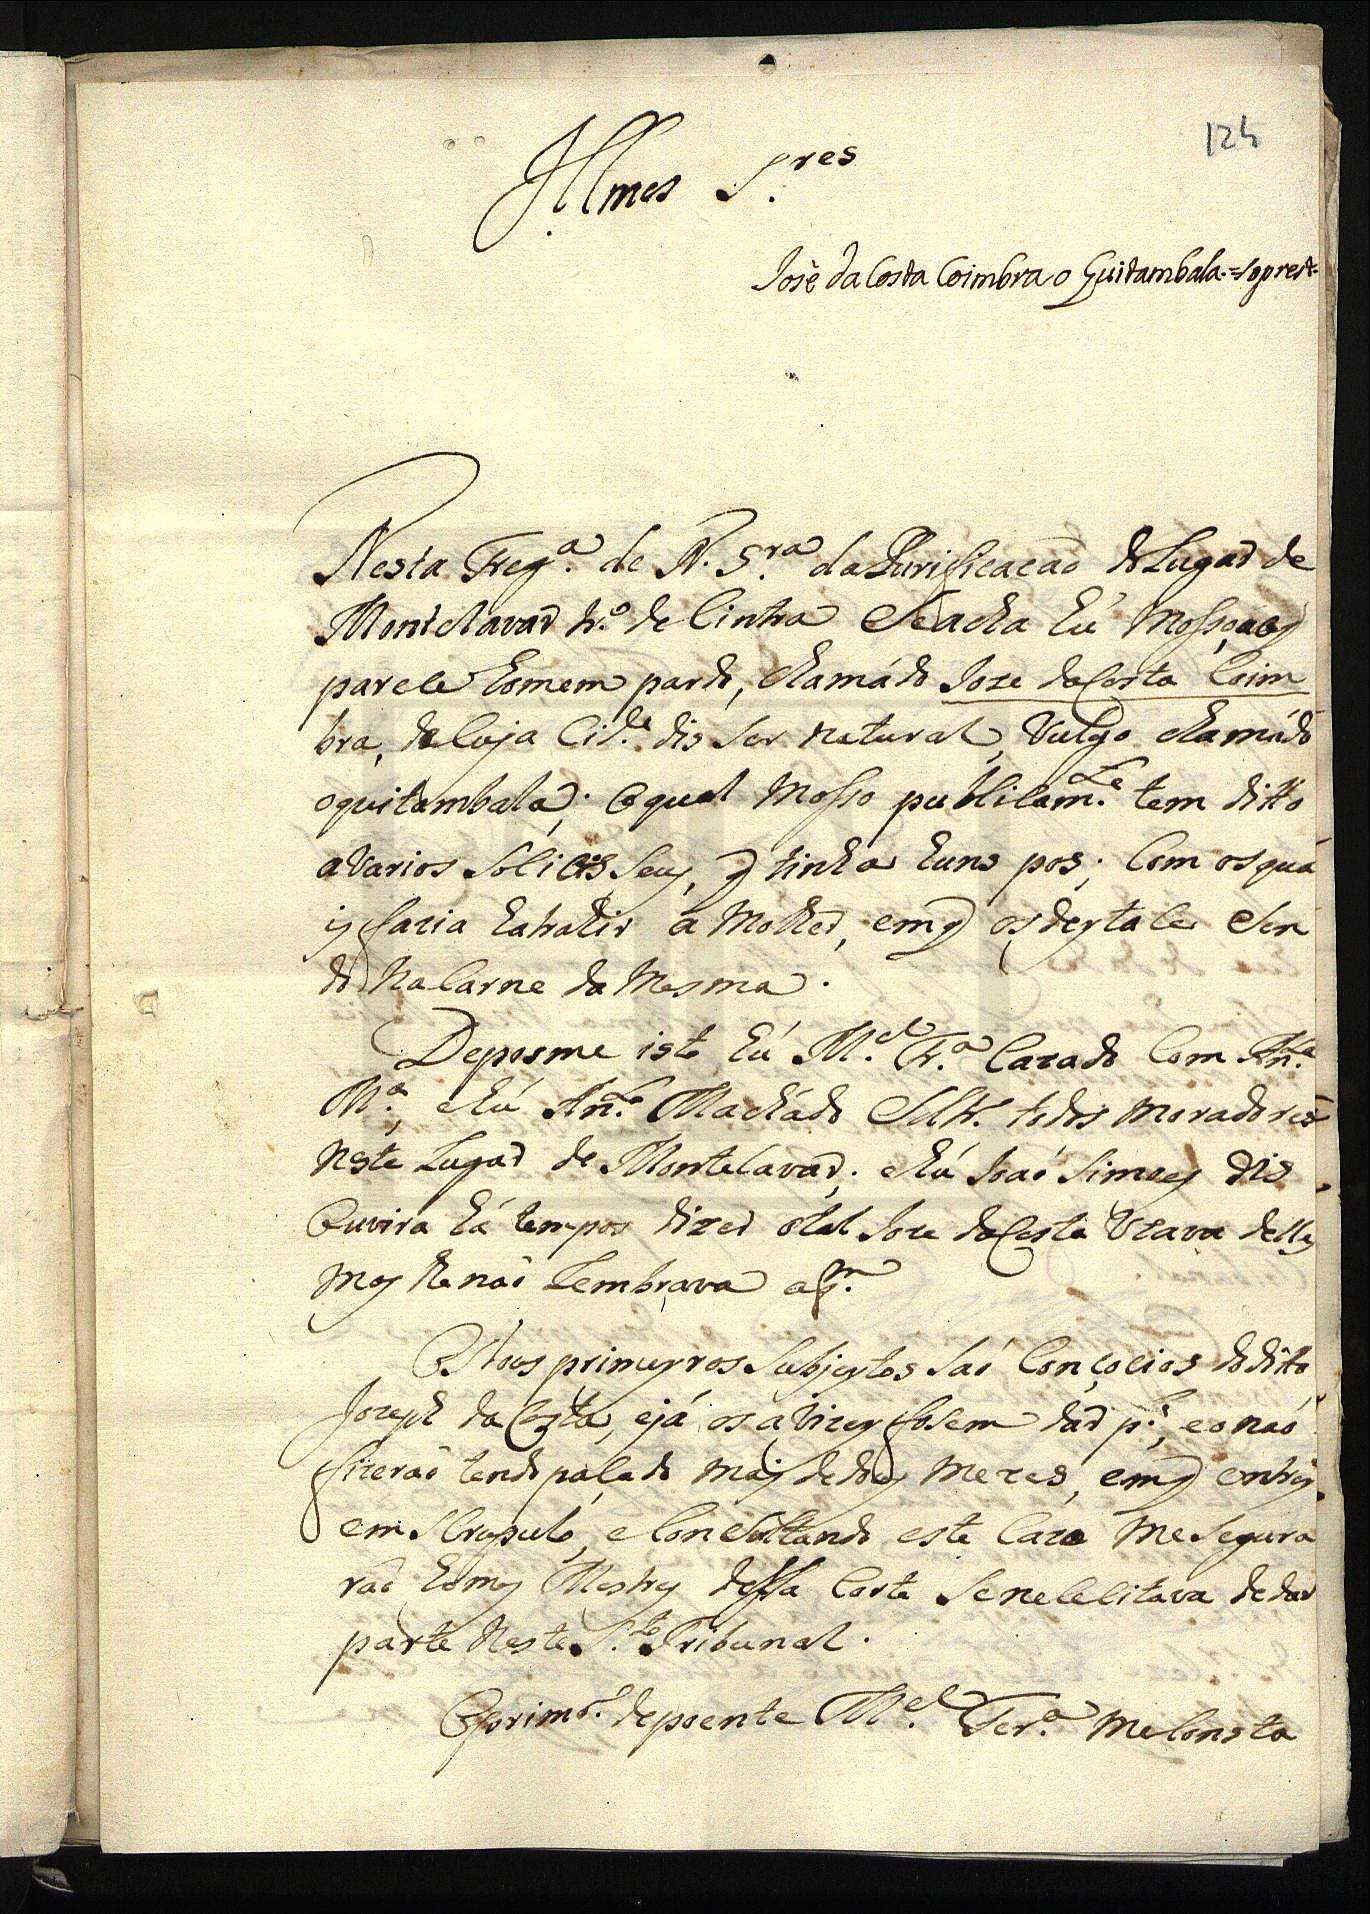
Jllmes s.res
Iosé da Costa Coimbra o Quitambala.= soprest.
Nesta Freg.a de N. S.ra da Purificaçaõ do Lugar de
Montelavar tr.o de Cintra Se acha hū mosso ao q
parece homem pardo, chamado Ioze da Costa Coim
bra, de Cuja Cid.e dis ser natural, Vulgo chamado
o quitambala; O qual mosso publicam.te tem ditto
a varios solicis seus, q̄ tinha huns pos; Com os qua
is fazia hatrahir a molher, em q̄ os deytaCe Sen
do na Carne da mesma.
Deposme isto hū M.el Fr.a Cazado Com An.ta
M.a, e hū An.to Machádo Soltr.o todos moradores
neste Lugar de Montelavar; e hū Ioaõ simoes dis
Ouvira há tempos dizer o tal Ioze da Costa Vzava delles
mas lhe naõ Lembrava a q.m
Os dous primeyros subjeytos saõ Conçocios do ditto
Jozeph da Cozta, e já os avizey fosem dar p.te, e o naõ
fizeraõ tendo paÇado mais de dous mezez, em q̄ emtrey
em sCrepulo, e ConSultando esta Caza me segura
raõ homes Mestres dessa Corte se neCeCitava de dar
parte neste S.to Tribunal.
O primr.o depoente M.el Fer.a me Consta
